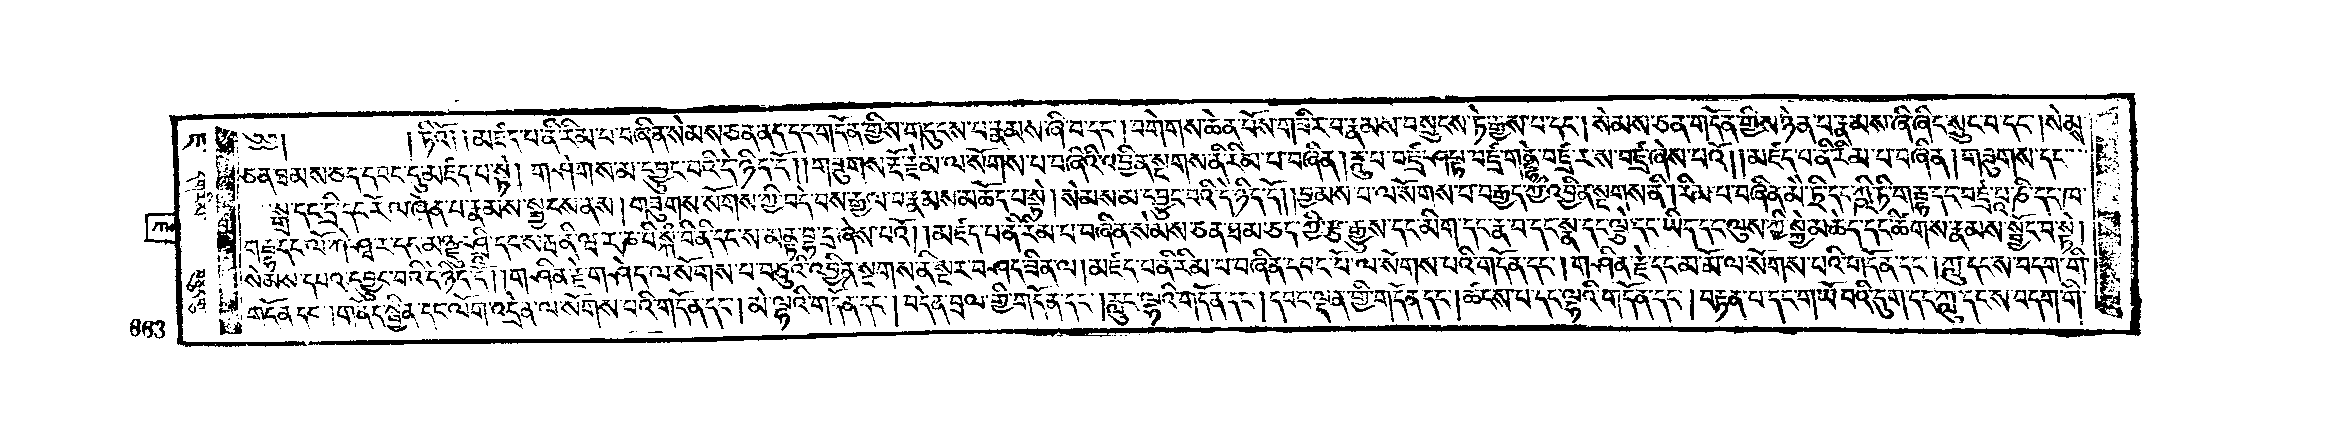༄༅། །ཏིའོ༑ ༑མཛད་པ་ནི་རིམ་པ་བཞིན་སེམས་ཅན་ནད་དང་གདོན་གྱིས་གདུངས་པ་རྣམས་ཞི་བ་དང་། བགེགས་ཆེན་པོས་གཟིར་བ་རྣམས་བསྲུངས་ཏེ་རྒྱས་པ་དང་། སེམས་ཅན་གདོན་གྱིས་ཉེན་པ་རྣམས་ཞི་ཞིང་སྲུང་བ་དང་། སེམས་
ཅན་ཐམས་ཅད་དབང་དུ་མཛད་པ་སྟེ། གཤེགས་མ་དབྱུང་བའི་དེ་ཉིད་དོ། །གཟུགས་རྡོ་རྗེ་མ་ལ་སོགས་པ་བཞིའི་འབྱིན་སྔགས་ནི་རིམ་པ་བཞིན། རཱུ་པ་བཛྲ་ཤཔྟ་བཛྲ་གནྡྷེ་བཛྲ་ར་ས་བཛྲ་ཞེས་པའོ། །མཛད་པ་ནི་རིམ་པ་བཞིན། གཟུགས་དང་
སྒྲ་དང་དྲི་དང་རོ་ལ་ཞེན་པ་རྣམས་སྦྱངས་ནས། གཟུགས་སེམས་ཀྱི་བདེ་བས་རྒྱལ་བ་རྣམས་མཆོད་པ་སྟེ། སེམས་མ་དབྱུང་བའི་དེ་ཉིད་དོ། །བྱམས་པ་ལ་སོགས་པ་བརྒྱད་ཀྱི་འབྱིན་སྔགས་ནི། རིམ་པ་བཞིན་མཻ་ཏྲི་དང་ཀྵི་ཏི་གརྦྷ་དང་བཛྲ་པཱ་ཎི་དང་ཁ་
གརྦྷ་དང་ལོ་ཀེ་ཤྭ་ར་དང་མཉྫུ་ཤྲཱི་དང་སརྦ་ནི་ཝ་ར་ཎ་བི་སྐཾ་བི་ནི་དང་ས་མནྟ་བྷ་དྲ་ཞེས་པའོ། །མཛད་པ་ནི་རིམ་པ་བཞིན་སེམས་ཅན་ཐམ་ཅད་ཀྱི་རྩ་རྒྱུས་དང་མིག་དང་རྣ་བ་དང་སྣ་དང་ལྕེ་དང་ཡིད་དང་ལུས་ཀྱི་སྐྱེ་མཆེད་དང་ཚིགས་རྣམས་སྦྱོང་བ་སྟེ།
སེམས་དཔའ་དབྱུང་བའི་དེ་ཉིད་དོ། །གཤིན་རྗེ་གཤེད་ལ་སོགས་པ་བཅུའི་འབྱིན་སྔགས་ནི་སྔར་བཤད་ཟིན་ལ། མཛད་པ་ནི་རིམ་པ་བཞིན་དབང་པོ་ལ་སོགས་པའི་གདོན་དང་། གཤིན་རྗེ་དང་མ་མོ་ལ་སོགས་པའི་གདོན་དང་། ཀླུ་དང་ས་བདག་གི་
གདོན་དང་། གནོད་སྦྱིན་དང་ལོག་འདྲེན་ལ་སོགས་པའི་གདོན་དང་། མེ་ལྷའི་གདོན་དང་། བདེན་བྲལ་གྱི་གདོན་དང་། རླུང་ལྷའི་གདོན་དང་། དབང་ལྡན་གྱི་གདོན་དང་། ཚངས་པ་དང་ལྷའི་གདོན་དང་། བརྟན་པ་དང་གཡོ་བའི་དུག་དང་ཀླུ་དང་ས་བདག་གི་